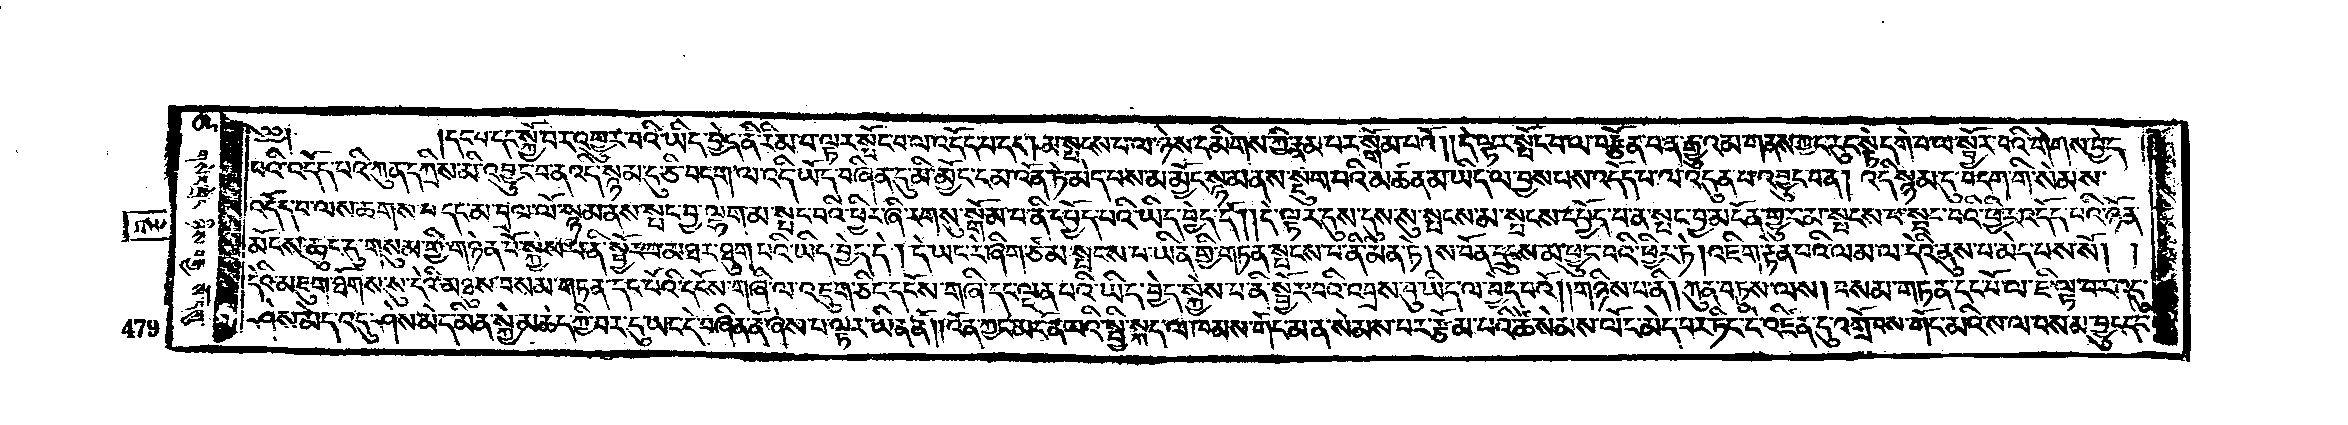༄༅། །དང་བ་དང་སྐྱོ་བར་འགྱུར་བའི་ཡིད་བྱེད་ནི་རིམ་པ་ལྟར་སྤོང་བ་ལ་འདོད་པ་དང་། མ་སྤངས་པ་ལ་ཉེས་དམིགས་ཀྱི་རྣམ་པར་སྒོམ་པའོ། །དེ་ལྟར་སྤོང་བ་ལ་བརྩོན་པ་ན་རྒྱུ་འམ་གནས་ཀྱང་རུང་སྟེ་དགེ་བ་ལ་སྦྱོར་བའི་གེགས་བྱེད་
པའི་འདོད་པའི་ཀུན་དཀྲིས་མི་འབྱུང་བ་ན་འདི་སྙམ་དུ་ཅི་བདག་ལ་འདི་ཡོད་བཞིན་དུ་མི་མྱོང་ངམ་འོན་ཏེ་མེད་པས་མ་མྱོང་སྙམ་ནས་སྡུག་པའི་མཚན་མ་ཡིད་ལ་བྱས་པས་འདོད་པ་ལ་འདུན་པ་འབྱུང་བ་ན། འདི་སྙམ་དུ་བདག་གི་སེམས་
འདོད་པ་ལས་ཆགས་པ་དང་མ་བྲལ་ལོ་སྙམ་ནས་སྤང་བྱ་ལྷག་མ་སྤང་བའི་ཕྱིར་ཞི་རིགས་སུ་སྒོམ་པ་ནི་དཔྱོད་པའི་ཡིད་བྱེད་དོ། །དེ་ལྟར་དུས་དུས་སུ་སྤངས་མ་སྤངས་དཔྱོད་པ་ན་སྤང་བྱ་མངོན་གྱུར་མ་སྤངས་པ་སྤང་བའི་ཕྱིར་འདོད་པའི་ཉོན་
མོངས་ཆུང་ངུ་གསུམ་གྱི་གཉེན་པོ་སྐྱེས་པ་ནི་སྦྱོར་བ་མཐར་ཐུག་པའི་ཡིད་བྱེད་དེ། དེ་ཡང་རེ་ཞིག་ཙམ་སྤངས་པ་ཡིན་གྱི་གཏན་སྤངས་པ་ནི་མིན་ཏེ། ས་བོན་དྲུངས་མ་ཕྱུང་བའི་ཕྱིར་ཏེ། འཇིག་རྟེན་པའི་ལམ་ལ་དེའི་ནུས་པ་མེད་པས་སོ། །
དེའི་མཇུག་ཐོགས་སུ་དེའི་མཐུས་བསམ་གཏན་དང་པོའི་དངོས་གཞི་ལ་འཇུག་ཅིང་དངོས་གཞི་དང་ལྡན་པའི་ཡིད་བྱེད་སྐྱེས་པ་ནི་སྦྱོར་བའི་འབྲས་བུ་ཡིད་ལ་བྱེད་པའོ། །གཉིས་པ་ནི། ཀུན་བཏུས་ལས། བསམ་གཏན་དང་པོ་ལ་ཇི་ལྟ་བར་འདུ་
ཤེས་མེད་འདུ་ཤེས་མེད་མིན་སྐྱེ་མཆེད་ཀྱི་བར་དུ་ཡང་དེ་བཞིན་ནོ་ཞེས་པ་ལྟར་ཡིན་ནོ། །འོན་ཀྱང་མངོན་པའི་སྤྱི་སྐད་ལ་ཁམས་གོང་མ་ན་སེམས་པར་རྩོམ་པའི་ཚེ་སེམས་ལོང་མེད་པར་ཏིང་ངེ་འཛིན་དུ་འགྲོ་བས་གོང་མའི་ས་ལ་བསམ་བྱུང་དང་